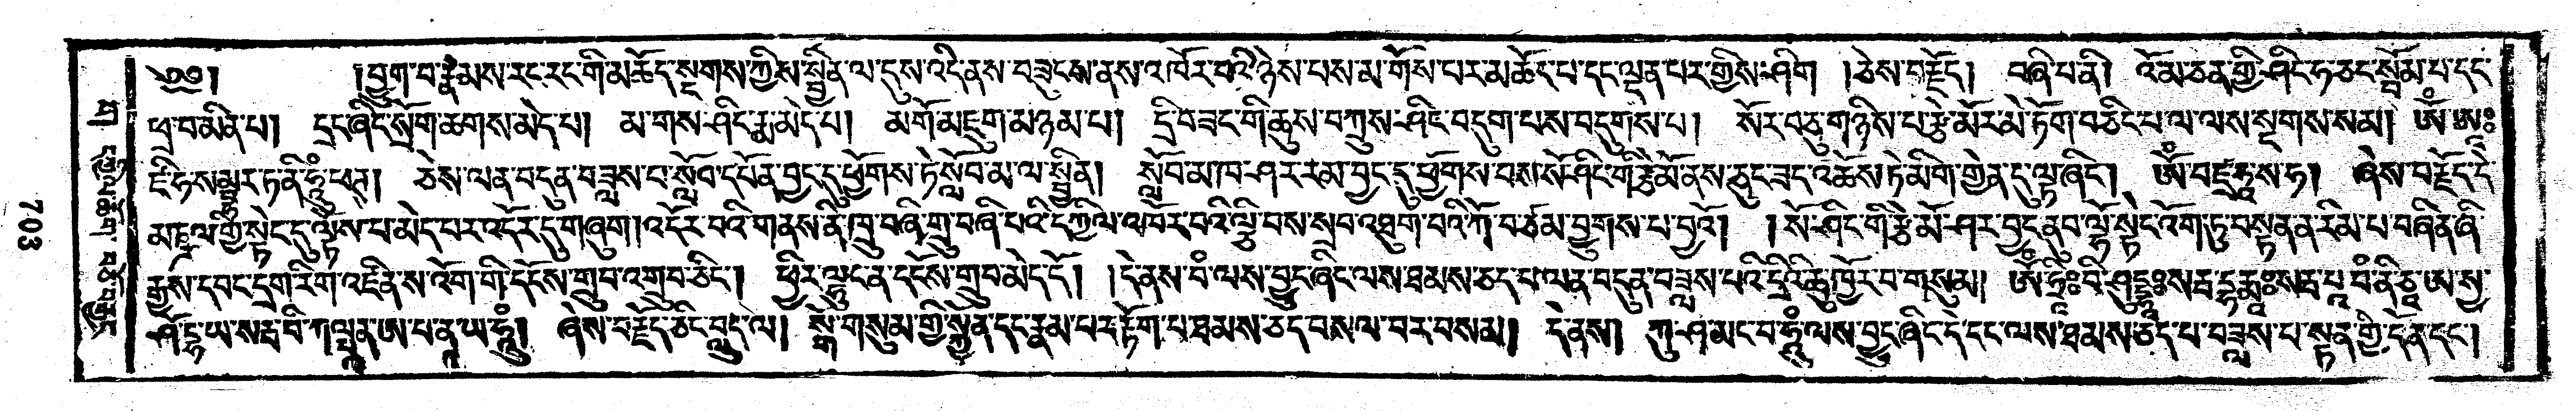༄༅། །བྱུག་བ་རྣམས་རང་རང་གི་མཆོད་སྔགས་ཀྱིས་སྦྱིན་ལ་དུས་འདི་ནས་བཟུངས་ནས་འཁོར་བའི་ཉེས་པས་མ་གོས་པར་མཆོད་པ་དང་ལྡན་པར་གྱིས་ཤིག །ཅེས་བརྗོད། བཞི་པ་ནི། འོ་མ་ཅན་གྱི་ཤིང་ཧ་ཅང་སྦོམ་པ་དང་
ཕྲ་བ་མིན་པ། དྲང་ཞིང་སྲོག་ཆགས་མེད་པ། མ་གས་ཤིང་རྨ་མེད་པ། མགོ་མཇུག་མཉམ་པ། དྲི་བཟང་གི་ཆུས་བཀྲུས་ཤིང་བདུག་པས་བདུགས་པ། སོར་བཅུ་གཉིས་པ་རྩེ་མོར་མེ་ཏོག་བཅིང་པ་ལ་ལས་སྔགས་སམ། ཨོཾ་ཨཱཿ
ཛི་ཧ་སམྦྷར་ཏ་ནི་ཧཱུཾ་ཕཊ། ཅེས་ལན་བདུན་བཟླས་བ་སློབ་དཔོན་བྱང་དུ་ཕྱོགས་ཏེ་སློབ་མ་ལ་སྦྱིན། སློབ་མ་ཁ་ཤར་རམ་བྱང་དུ་ཕྱོགས་བས་སོ་ཤིང་གི་རྩེ་མོ་ནས་ཅུང་ཟད་འཆོས་ཏེ་མིག་གྱེན་དུ་ལྟ་ཞིང་། ཨོཾ་བཛྲ་ཧཱ་ས་ཧ། ཞེས་བརྗོད་དེ་
མཎྜལ་གྱི་སྟེང་དུ་ལྟོས་པ་མེད་པར་འདོར་དུ་གཞུག། འདོར་བའི་གནས་ནི་ཁྲུ་བཞི་གྲུ་བཞི་པའི་དཀྱིལ་འཁོར་བའི་ལྕི་བས་སྲབ་འཐུག་བའི་ཀོ་བ་ཙམ་བྱུགས་པ་བྱའོ། །སོ་ཤིང་གི་རྩེ་མོ་ཤར་བྱང་ནུབ་ལྷོ་སྟེང་འོག་ཏུ་བསྟན་ན་རིམ་པ་བཞིན་ཞི་
རྒྱས་དབང་དྲག་རིག་འཛིན་ས་འོག་གི་དངོས་གྲུབ་འགྲུབ་ཅིང་། ཕྱིར་ལྷུང་ན་དངོས་གྲུབ་མེད་དོ། །དེ་ནས་བཾ་ལས་བྱུང་ཞིང་ལས་ཐམས་ཅད་པ་ལན་བདུན་བཟླས་པའི་དྲིའི་ཆུ་ཁྱོར་བ་གསུམ། ཨོཾ་ཧྲཱིཿབི་ཤུདྡྷཱཿ སརྦ་དྷརྨཱཿསརྦ་པཱ་བཾ་ནི་ཅཱ་ཨ་སྱ་
ཤོ་དྷ་ཡ་སརྦ་བི་ཀལྤཱན་ཨ་པ་ནཱ་ཡ་ཧཱུཾ། ཞེས་བརྗོད་ཅིང་བླུད་ལ། སྒོ་གསུམ་གྱི་སྐྱོན་དང་རྣམ་པར་རྟོག་པ་ཐམས་ཅད་བསལ་བར་བསམ། དེ་ནས། ཀུ་ཤ་མང་བ་ཧཱུཾ་ལས་བྱུང་ཞིང་དེ་དང་ལས་ཐམས་ཅད་པ་བཟླས་པ་སྟན་གྱི་དོན་དང་།